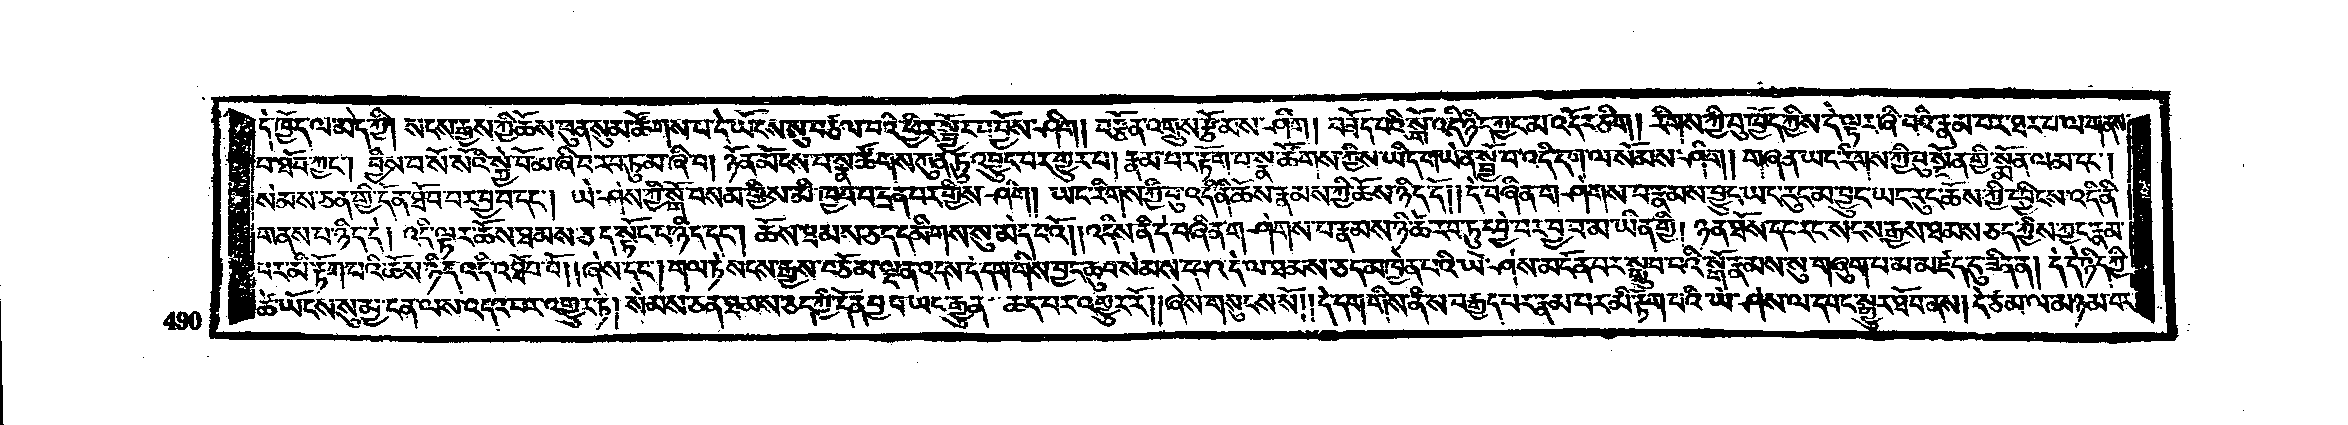དེ་ཁྱོད་ལ་མེད་ཀྱི། སངས་རྒྱས་ཀྱི་ཆོས་ཕུན་སུམ་ཚོགས་པ་དེ་ཡོངས་སུ་བཙལ་བའི་ཕྱིར་སྦྱོར་བ་བྱོས་ཤིག །བརྩོན་འགྲུས་རྩོམས་ཤིག །བཟོད་པའི་སྒོ་འདི་ཉིད་ཀྱང་མ་འདོར་ཅིག ། རིགས་ཀྱི་བུ་ཁྱོད་ཀྱིས་དེ་ལྟར་ཞི་བའི་རྣམ་པར་ཐར་པ་ལ་གནས་
པ་ཐོབ་ཀྱང་། བྱིས་པ་སོ་སོའི་སྐྱེ་བོ་མ་ཞི་བ་རབ་ཏུ་མ་ཞིག་བ། ཉོན་མོངས་པ་སྣ་ཚོགས་ཀུན་ཏུ་བྱུང་བར་གྱུར་པ། རྣམ་པར་རྟོག་པ་སྣ་ཚོགས་ཀྱིས་ཡིད་གཡོན་སྤྱོ་བ་འདི་དག་ལ་སོམས་ཤིག ། གཞན་ཡང་རིགས་ཀྱི་བུ་སྔོན་གྱི་སྨོན་ལམ་དང་།
སེམས་ཅན་གྱི་དོན་ཐོབ་པར་བྱ་བ་དང་། ཡེ་ཤེས་ཀྱི་སྒོ་བསམ་གྱིས་མི་ཁྱབ་པ་དྲན་པར་གྱིས་ཤིག །ཡང་རིགས་ཀྱི་བུ་འདི་ནི་ཆོས་རྣམས་ཀྱི་ཆོས་ཉིད་དོ། །དེ་བཞིན་གཤེགས་པ་རྣམས་བྱུང་ཡང་རུང་མ་བྱུང་ཡང་རུང་ཆོས་ཀྱི་དབྱིངས་འདི་ནི་
གནས་པ་ཉིད་དོ། འདི་ལྟར་ཆོས་ཐམས་ཅད་སྟོང་པ་ཉིད་དང་། ཆོས་ཐམས་ཅད་དམིགས་སུ་མེད་པའོ། །འདིས་ནི་དེ་བཞིན་གཤེགས་པ་རྣམས་ཉི་ཚེ་རབ་ཏུ་དབྱེ་བར་བྱ་བ་མ་ཡིན་གྱི། ཉན་ཐོས་དང་རང་སངས་རྒྱས་ཐམས་ཅད་ཀྱིས་ཀྱང་རྣམས་
པར་མི་རྟོག་པའི་ཆོས་ཉིད་འདི་འཐོབ་བོ། །ཞེས་དང་། གལ་ཏེ་སངས་རྒྱས་བཅོམ་ལྡན་འདས་དེ་དག་གིས་བྱང་ཆུབ་སེམས་དཔའ་དེ་ལ་ཐམས་ཅད་མཁྱེན་པའི་ཡེ་ཤེས་མངོན་པར་སྒྲུབ་པའི་སྒོ་རྣམས་སུ་གཞུག་པ་མ་མཛད་དུ་ཟིན་ན། དེ་དེ་ཉིད་ཀྱི་
ཚེ་ཡོངས་སུ་མྱ་ངན་ལས་འདའ་བར་འགྱུར་ཏེ། སེམས་ཅན་ཐམས་ཅད་ཀྱི་དོན་བྱ་བ་ཡང་རྒྱུན་ཆད་པར་འགྱུར་རོ། །ཞེས་གསུངས་སོ། །དེ་དག་གིས་ནི་ས་བརྒྱད་པར་རྣམ་པར་མི་རྟོག་པའི་ཡེ་ཤེས་ལ་དབང་སྒྱུར་ཐོབ་ནས། དེ་ཙམ་ལ་མཉམ་པར་